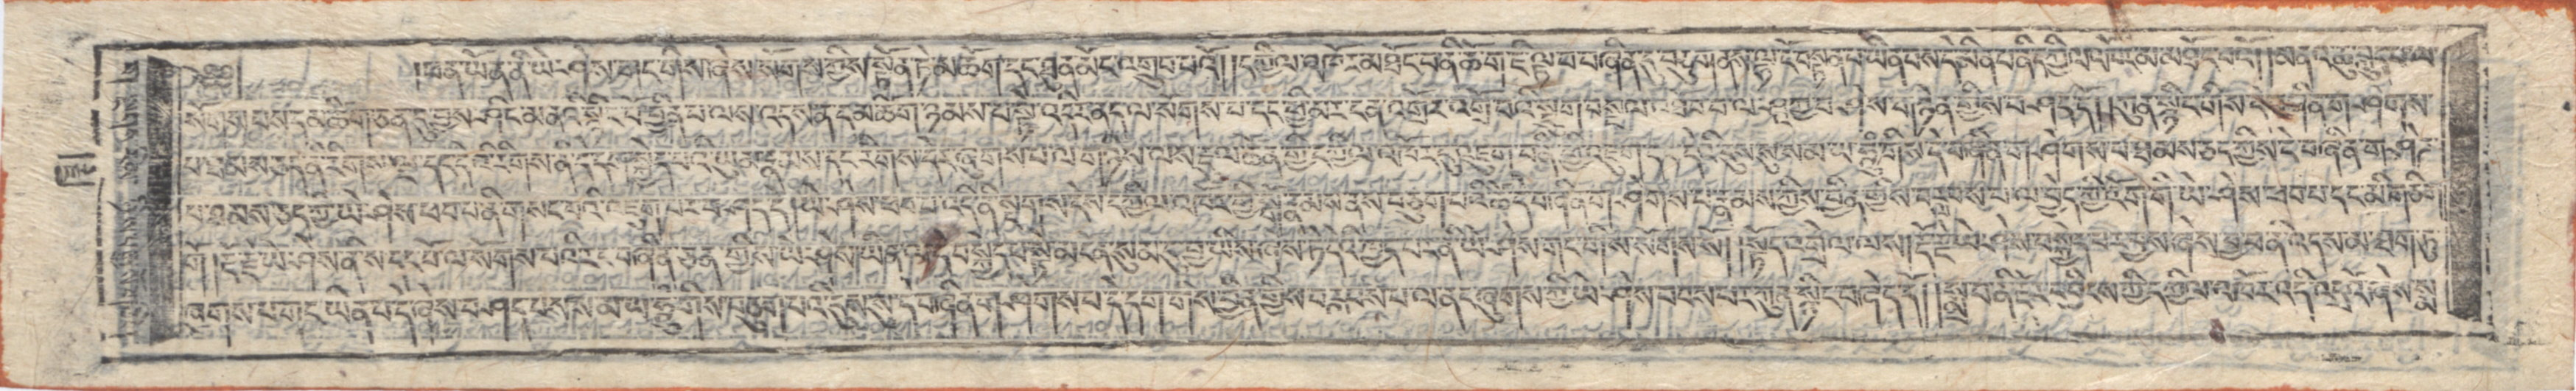༄༅། །ཕན་ཡོན་ནི་ཡེ་ཤེས་གང་གིས་ཞེས་སོགས་ཀྱིས་སྟོན་ཏེ་མཆོག་དང་ཐུན་མོང་འགྲུབ་པའོ། །དཀྱིལ་འཁོར་མཐོང་བ་ནི་ཆོ་ག་ཇི་ལྟ་བ་བཞིན་དུ་བཅུ་གནས་ལྷ་ངོ་བསྟན་པ་ཡིན་པས་དེ་མིན་པ་ནི་དཀྱིལ་འཁོར་མ་མཐོང་བའོ། །མནའ་ཆུ་བླུད་པ་ལ་
སོགས་པས་དམ་ཚིག་ཅན་དུ་བྱས་ཤིང་མནའི་སྙིང་པོ་བྱིན་པ་ལས་འདས་ན་དམ་ཚིག་ཉམས་པ་སྟེ་འདིར་ནད་ལ་སོགས་པ་དང་ཕྱི་མར་ངན་འགྲོར་འགྲོ་བའི་སྡུག་བསྔལ་འཐོབ་པ་ལ་ཤཱཀྱ་བཤེས་གཉེན་གྱིས་བཤད་དོ། །ཀུན་སྙིང་གིས་དེ་བཞིན་གཤེགས་
པ་ཐམས་ཅད་ནི་རིགས་ལྔ་དང་དེའི་རིགས་ནི་དེ་དག་སྐྱེད་པའི་ཡུམ་རྣམས་དང་རིགས་དེར་ཞུགས་པ་ལ་གཉིས་ལས་རྡུལ་ཚོན་གྱི་དཀྱིལ་འཁོར་དུ་འཇུག་པ་ནི་ཕྱི་འཇུག་དང་དེའི་དུས་སུ་སམ་ཡ་ཧཱུཾ་གིས་དེ་བཞིན་གཤེགས་པ་ཐམས་ཅད་ཀྱིས་དེ་བཞིན་གཤེཌ་
པ་ཐམས་ཅད་ཀྱི་ཡེ་ཤེས་ཕབ་པ་ནི་གསང་བའི་འཇུག་པར་བཤད་དེ། ཡེ་ཤེས་ཕབ་པ་འདི་ནི་སྔགས་དེས་དཀྱིལ་འཁོར་གྱི་སྒོ་རྣམས་ནས་བཅུག་པའི་ཚེ་དེ་བཞིན་གཤེགས་པ་རྣམས་ཀྱིས་བྱིན་གྱིས་བརླབས་པ་ལ་བྱེད་ཀྱི་འོག་གི་ཡེ་ཤེས་ཕབ་པ་དང་མི་གཅིག་
གོ །རྡོ་རྗེ་ཡེ་ཤེས་ནི་ས་དང་པོ་ལ་སོགས་པའི་རང་བཞིན་ཅན་གྱིས་ཡེ་ཤེས་ཡིན་ལ་དེ་བསྐྱེད་པ་སྟེ་མངོན་སུམ་དུ་བྱ་ཡིས་ཞེས་ཏེ་དེའི་ཁྱད་པར་ནི་ཡེ་ཤེས་གང་གིས་སོགས་སོ། །སྟོད་འགྲེལ་ལས། རྡོ་རྗེ་ཡེ་ཤེས་བསྐྱེད་པར་བྱས་ཞེས་བྱ་བ་ནི་འདས་མ་ཐག་ཏུ་
ཞུགས་པ་གང་ཡིན་པ་དེ་ཞེས་བཤད་པས་ས་མ་ཡ་ཧཱུཾ་གིས་བཅུག་པའི་དུས་སུ་དེ་བཞིན་གཤེགས་པ་དེ་དག་གིས་བྱིན་གྱིས་བརླབས་པ་ལ་ནང་ཞུགས་ཀྱི་ཡེ་ཤེས་བབས་པར་ཀུན་སྙིང་བཞེད་དོ། །སྨྲ་བ་ནི་རྡོར་དབྱིངས་ཀྱི་དཀྱིལ་འཁོར་འདི་འདྲའོ་ཞེས་སྨྲ་